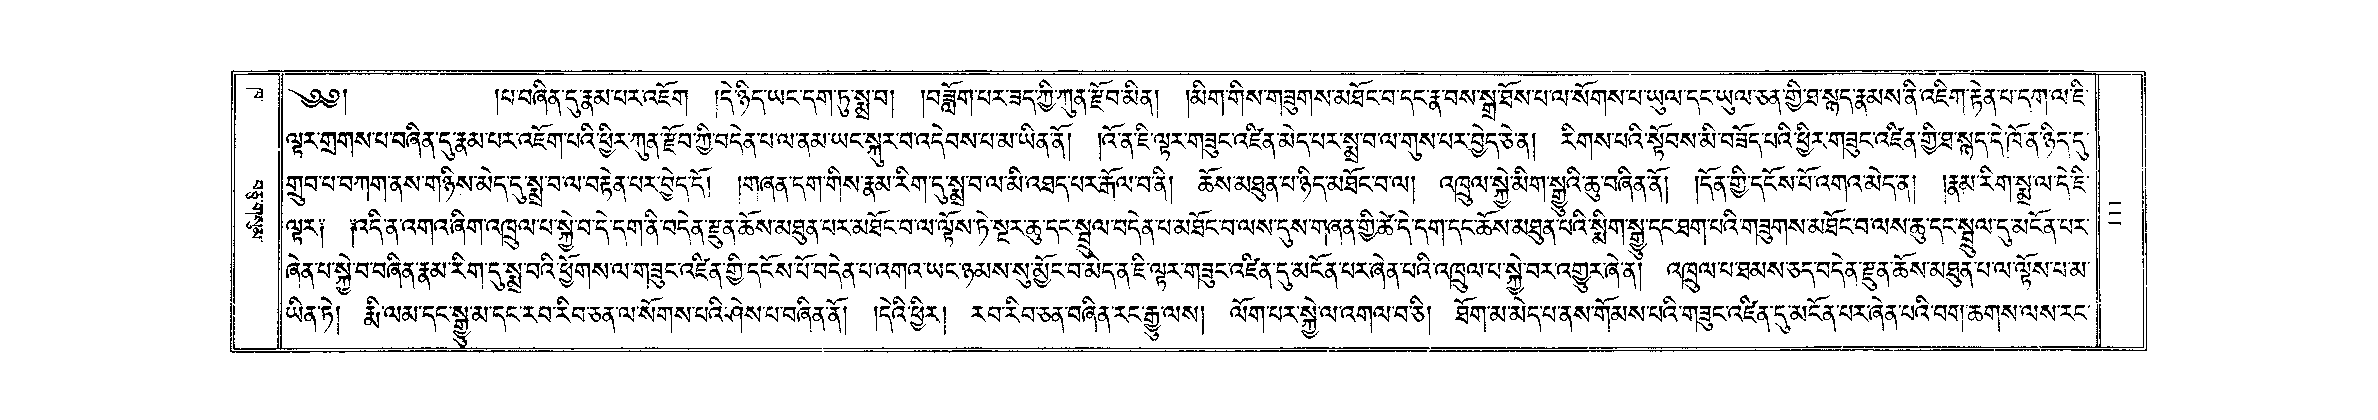༄༅། །པ་བཞིན་དུ་རྣམ་པར་འཇོག །དེ་ཉིད་ཡང་དག་ཏུ་སྨྲ་བ། །བཟློག་པར་ཟད་ཀྱི་ཀུན་རྫོབ་མིན། །མིག་གིས་གཟུགས་མཐོང་བ་དང་རྣ་བས་སྒྲ་ཐོས་པ་ལ་སོགས་པ་ཡུལ་དང་ཡུལ་ཅན་གྱི་ཐ་སྙད་རྣམས་ནི་འཇིག་རྟེན་པ་དག་ལ་ཇི་
ལྟར་གྲགས་པ་བཞིན་དུ་རྣམ་པར་འཇོག་པའི་ཕྱིར་ཀུན་རྫོབ་ཀྱི་བདེན་པ་ལ་ནམ་ཡང་སྐུར་བ་འདེབས་པ་མ་ཡིན་ནོ། །འོ་ན་ཇི་ལྟར་གཟུང་འཛིན་མེད་པར་སྨྲ་བ་ལ་གུས་པར་བྱེད་ཅེ་ན། རིགས་པའི་སྟོབས་མི་བཟོད་པའི་ཕྱིར་གཟུང་འཛིན་གྱི་ཐ་སྙད་དེ་ཁོ་ན་ཉིད་དུ་
གྲུབ་པ་བཀག་ནས་གཉིས་མེད་དུ་སྨྲ་བ་ལ་བརྟེན་པར་བྱེད་དོ། །གཞན་དག་གིས་རྣམ་རིག་དུ་སྨྲ་བ་ལ་མི་འཐད་པར་རྒོལ་བ་ནི། ཆོས་མཐུན་པ་ཉིད་མཐོང་བ་ལ། འཁྲུལ་སྐྱེ་མིག་སྒྱུའི་ཆུ་བཞིན་ནོ། །དོན་གྱི་དངོས་པོ་འགའ་མེད་ན། །རྣམ་རིག་སྨྲ་བ་དེ་ཇི་
ལྟར༑ ༑འདི་ན་འགའ་ཞིག་འཁྲུལ་པ་སྐྱེ་བ་དེ་དག་ནི་བདེན་རྫུན་ཆོས་མཐུན་པར་མཐོང་བ་ལ་ལྟོས་ཏེ་སྔར་ཆུ་དང་སྦྲུལ་བདེན་པ་མཐོང་བ་ལས་དུས་གཞན་གྱི་ཚེ་དེ་དག་དང་ཆོས་མཐུན་པའི་སྨིག་སྒྱུ་དང་ཐག་པའི་གཟུགས་མཐོང་བ་ལས་ཆུ་དང་སྦྲུལ་དུ་མངོན་པར་
ཞེན་པ་སྐྱེ་བ་བཞིན་རྣམ་རིག་དུ་སྨྲ་བའི་ཕྱོགས་ལ་གཟུང་འཛིན་གྱི་དངོས་པོ་བདེན་པ་འགའ་ཡང་ཉམས་སུ་མྱོང་བ་མེད་ན་ཇི་ལྟར་གཟུང་འཛིན་དུ་མངོན་པར་ཞེན་པའི་འཁྲུལ་པ་སྐྱེ་བར་འགྱུར་ཞེ་ན། འཁྲུལ་པ་ཐམས་ཅད་བདེན་རྫུན་ཆོས་མཐུན་པ་ལ་ལྟོས་པ་མ་
ཡིན་ཏེ། རྨི་ལམ་དང་སྒྱུ་མ་དང་རབ་རིབ་ཅན་ལ་སོགས་པའི་ཤེས་པ་བཞིན་ནོ། །དེའི་ཕྱིར། རབ་རིབ་ཅན་བཞིན་རང་རྒྱུ་ལས། ལོག་པར་སྐྱེ་ལ་འགལ་བ་ཅི། ཐོག་མ་མེད་པ་ནས་གོམས་པའི་གཟུང་འཛིན་དུ་མངོན་པར་ཞེན་པའི་བག་ཆགས་ལས་རང་